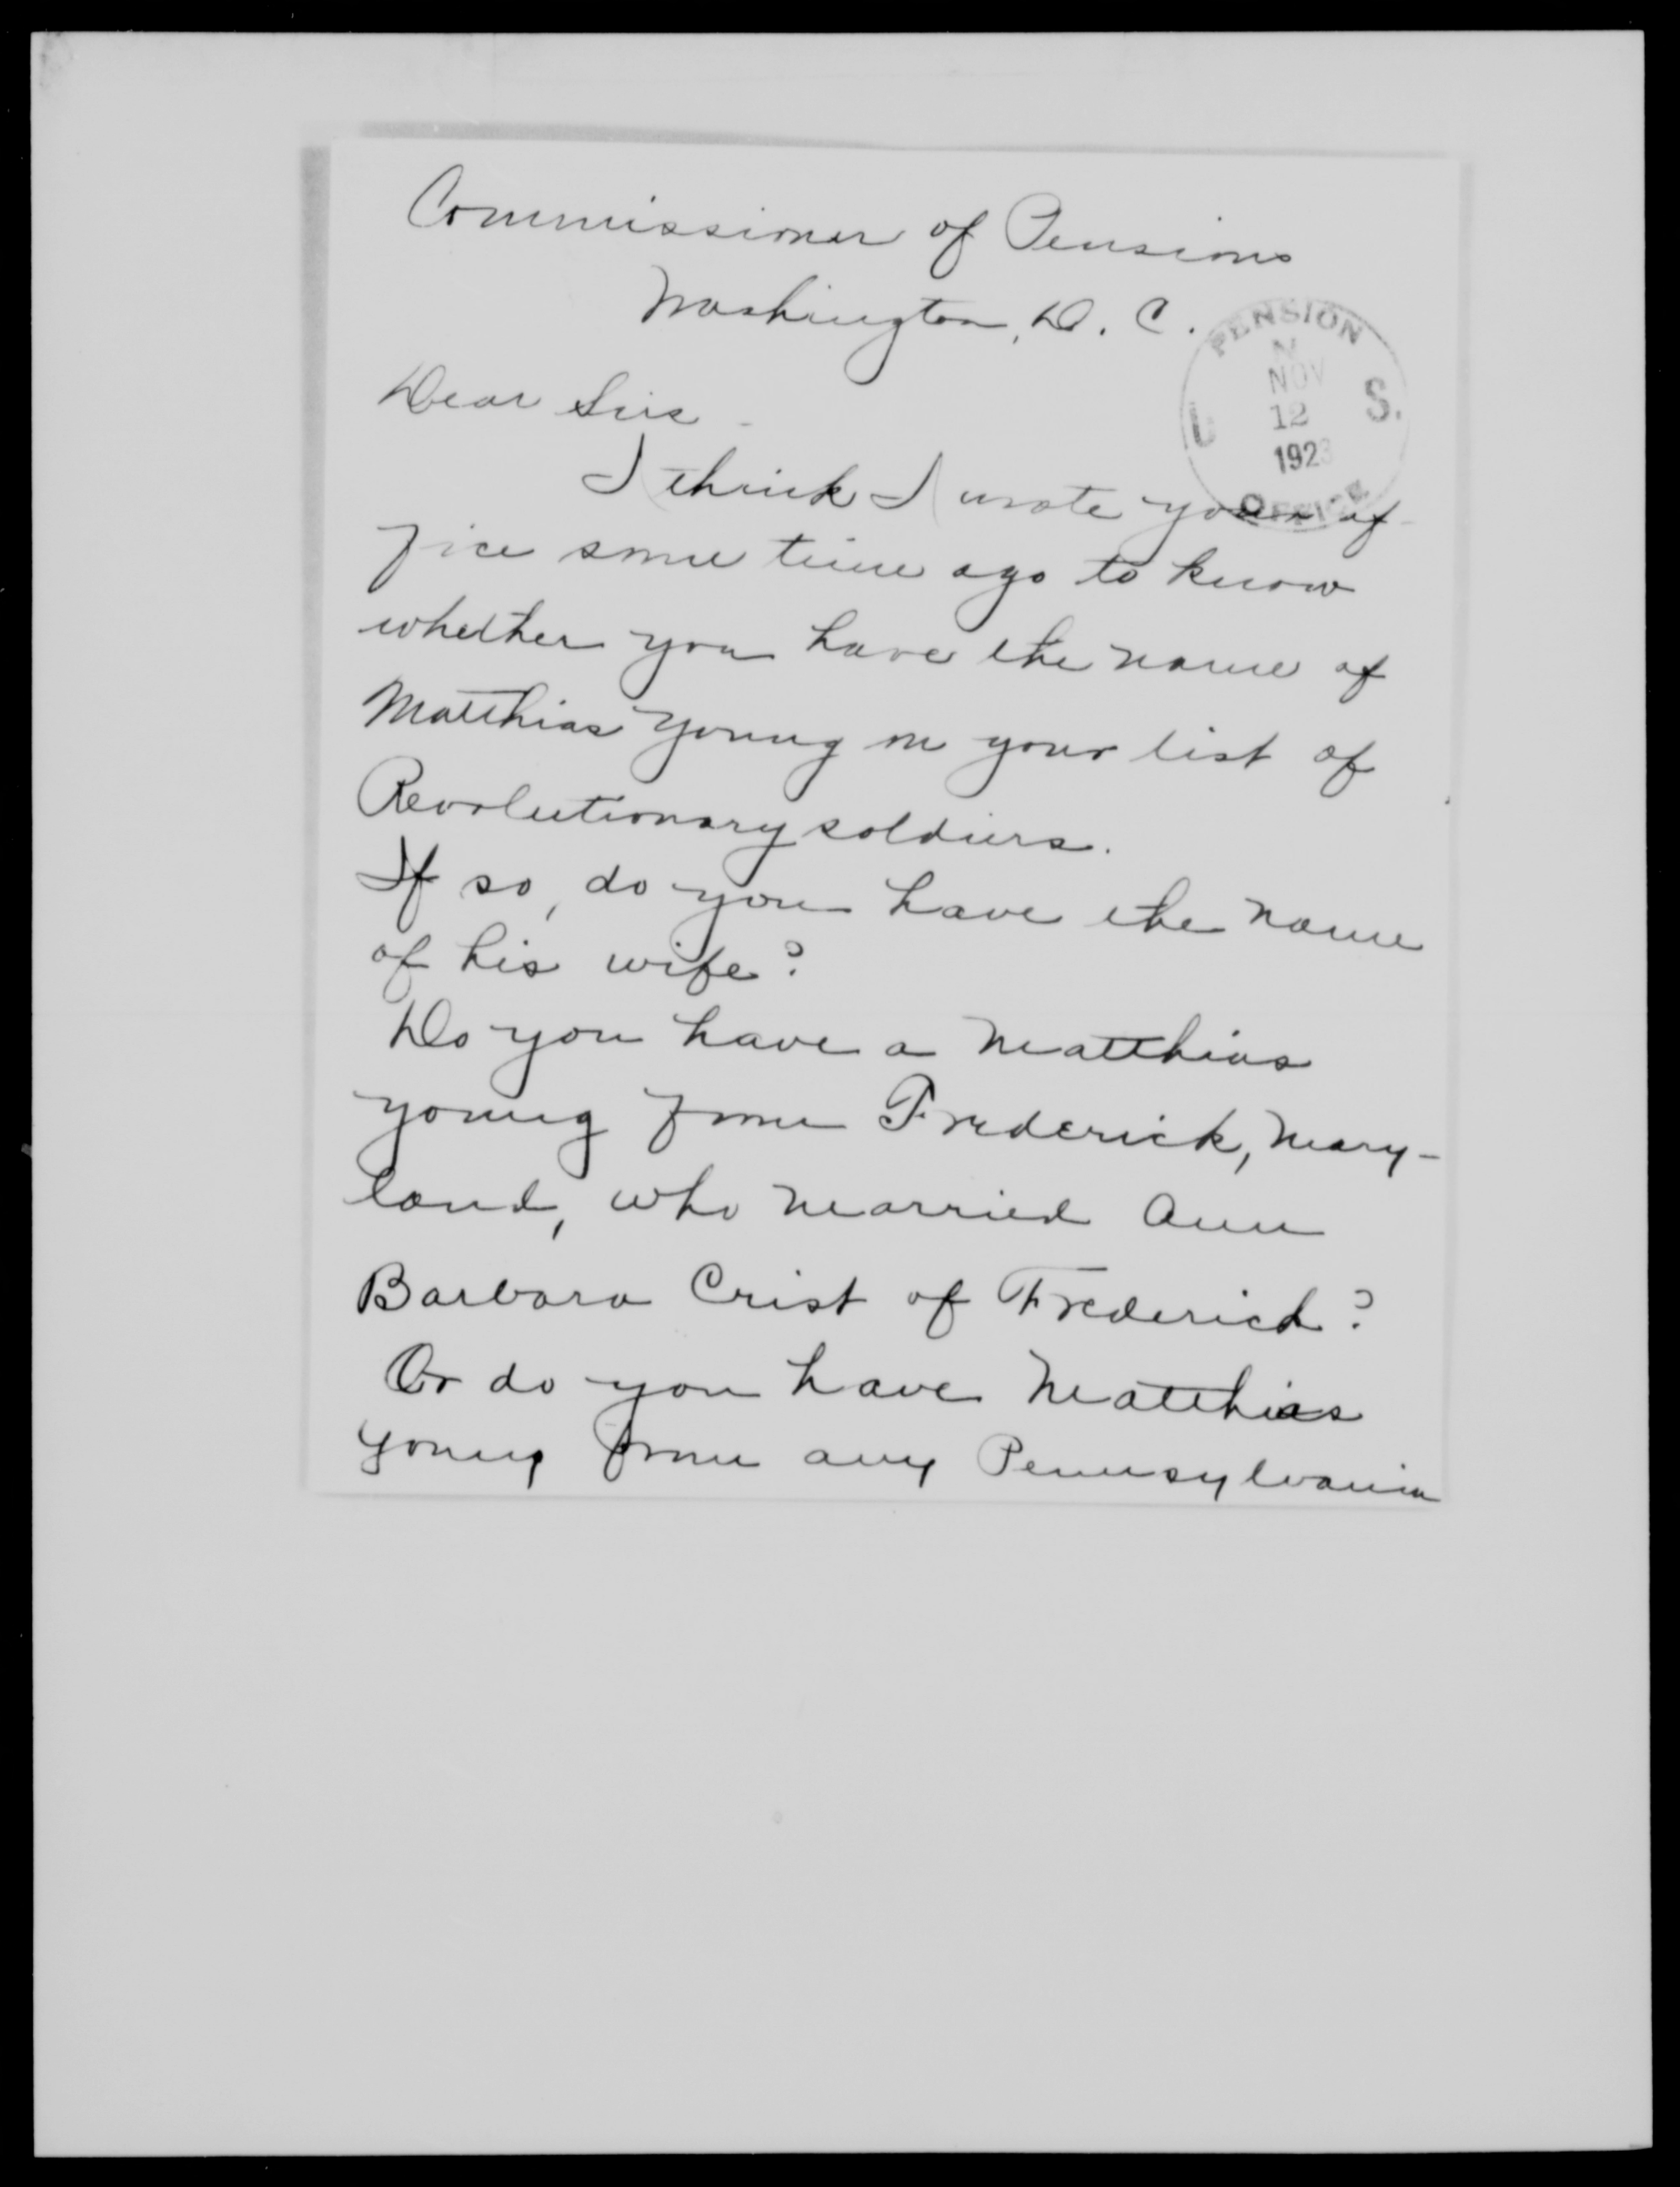[circle stamp]
US PENSION OFFICE
NOV 12 1923

Commissioner of Pensions
Washington, D. C
Dear Sirs
I think I wrote your office some time ago to know
whether you have the name of
Matthias Young on your list of
Revolutionary soldiers.

If so, do you have the name
of his wife?
Do you have a Matthias
Young from  Frederick, Maryland, who married Ann Barbara Crist of Frederick?
Or do you have Matthias
young from any Pennsylvania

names: Ann Barbara Crist, Matthias Young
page: 64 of 123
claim: rejected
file: R. 11,949, Matthias Young, Md.